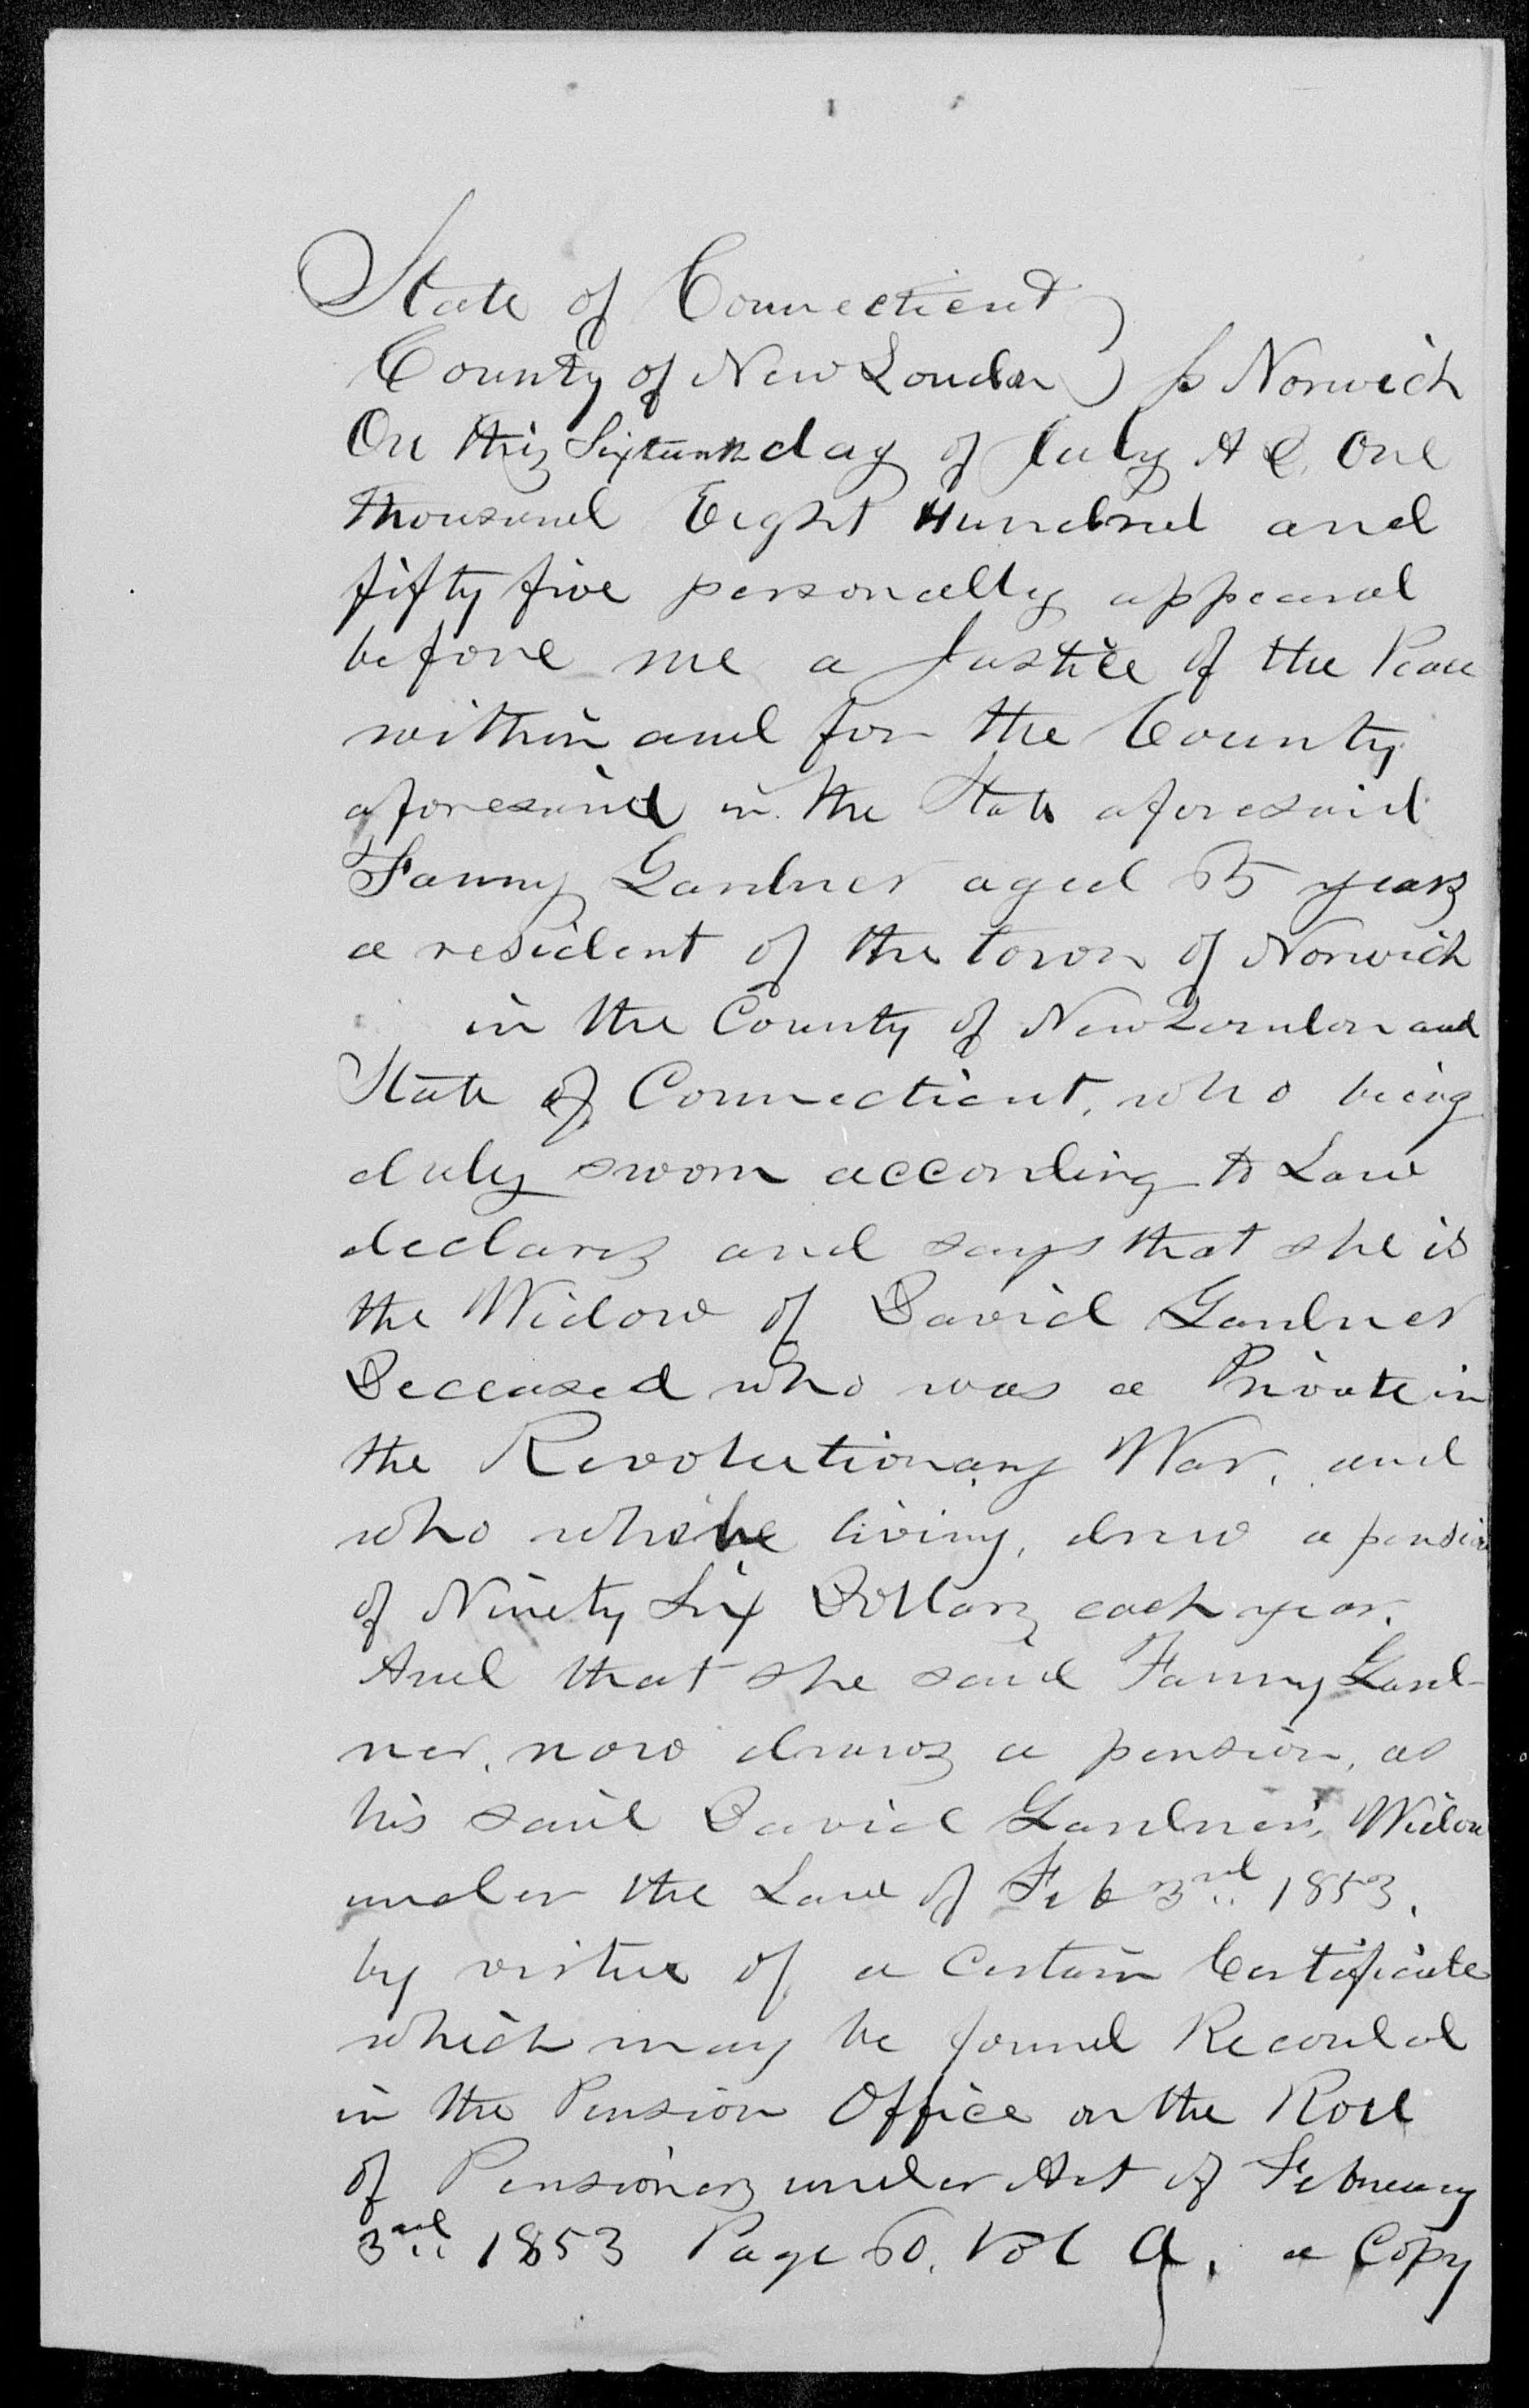State of Connecticut
County of New London of Norwich on this Sixteenth day of July A D. One thousand Eight Hundred and fifty five personally appeared before me a Justice of the Peace within and for the County aforesaid in the State aforesaid Fanny Gardner aged 65 years a resident of the town of Norwich in the County of New London and State of Connecticut, who being duly sworn according to Law declare and says that she is the Widow of David Gardner Deceased who was a Private in the Revolutionary War, and who while living, drew a pension of Ninety Six Dollars each year. And that the said Fanny Gardner, now draws a pension, as his said David Gardner's, Widow under the Law of Feb 3rd 1853. by virtue of a certain Certificate which may be found recorded in the Pension Office on the Roll of Pensioners under Act of February 3rd1853 Page 60, Vol. A. a copy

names: David Gardner, Fanny Gardner, David Gardner, Fanny Gardner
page: 19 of 66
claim: widow's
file: W 1850, David Gardner, Conn.